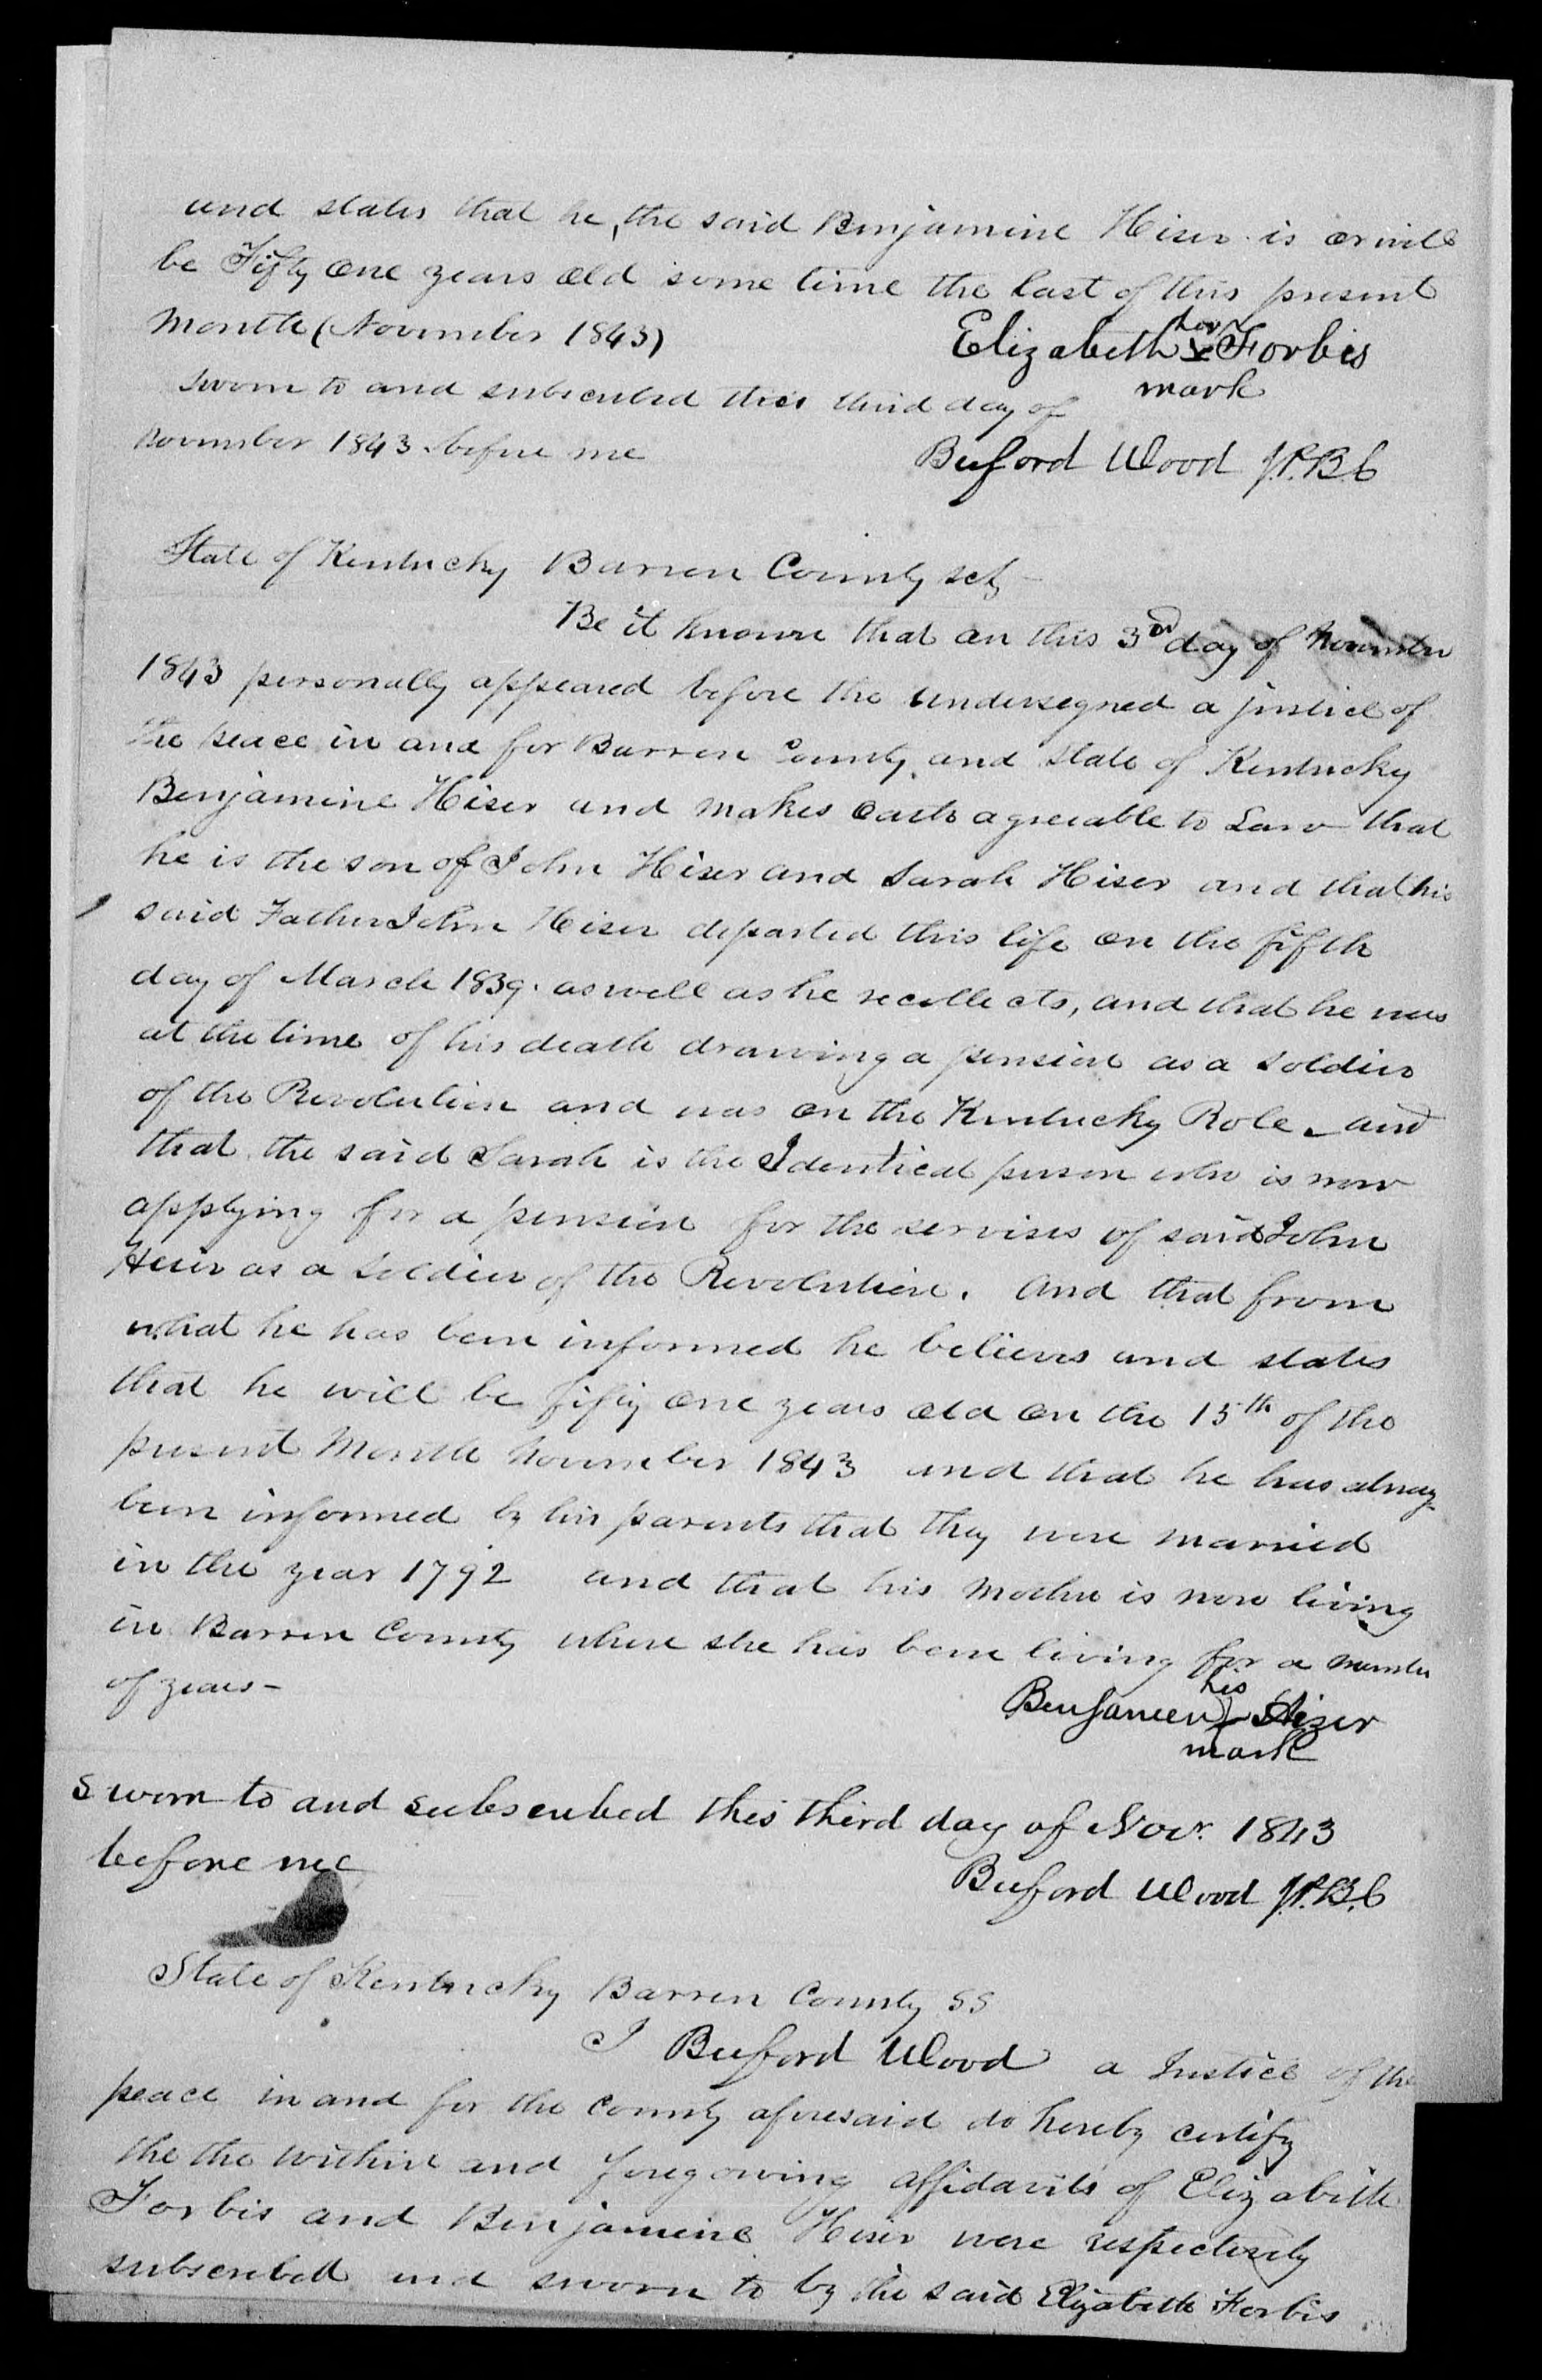and states that he, the said Benjamin Hiser is or will be fifty one years old sometime the last of this present month (November 1843).
                                         her
                           Elizabeth X Forbes
                                        mark

    Sworn to and subscribed this third day of November 1843 before me.

                                      //s//
                             Bedford Wood J.P.B.C.

State of Kentucky Barrin County ss

   Be it known that on this 3rd day of November 1843 personally appeared before the undersigned a justice of the peace in and for Barren County and State of Kentucky Benjamin Hiser and makes (illegible) agreeable to law that he is the son of John Hiser and Sarah Hiser and that his said father John Hiser departed this life on the fifth day of March 1839, as well as he recollects, and that he was at the time of his death drawing a pension as a soldier of the Revolution and was on the Kentucky Rolls and that the said Sarah is the identical person who is now applying for a pension for the services of said John Hiser as a soldier of the Revolution, and that from what he has been informed he believes and states that he will be fifty one years old on the 15th of this present month November 1843 and that he has already been informed by his parents that they were married in the year 1792 and that his mother is now living in Barren County where she has been living for a number of years.
                                                 his
                                  Benjamin  X  Hiser
                                                mark

Sworn to and subscribed this third day of Nov. 1843 before me.              
                                               //s//
                                   Buford Wood J.P.B.C.

State of Kentucky Barren County ss

    I Buford Wood a Justice of the Peace in and for the county aforesaid do hereby certify th(at) the within and foregoing affidavits of Elizabeth Forbes and Banjamin Hiser were respectively subscribed and sworn to by the said Elizabeth forbes.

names: Buford Wood, Elizabeth Forbis, Elizabeth Forbis, John Hiser, Benjamin Hiser, Elizabeth Forbis, Benjamin Hizer, Sarah Hiser, John Hiser, Buford Wood, John Hiser, Benjamin Hiser, Buford Wood, Benjamin Hiser, Sarah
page: 53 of 58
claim: widow's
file: W. 8932, John Hiser, Penn.